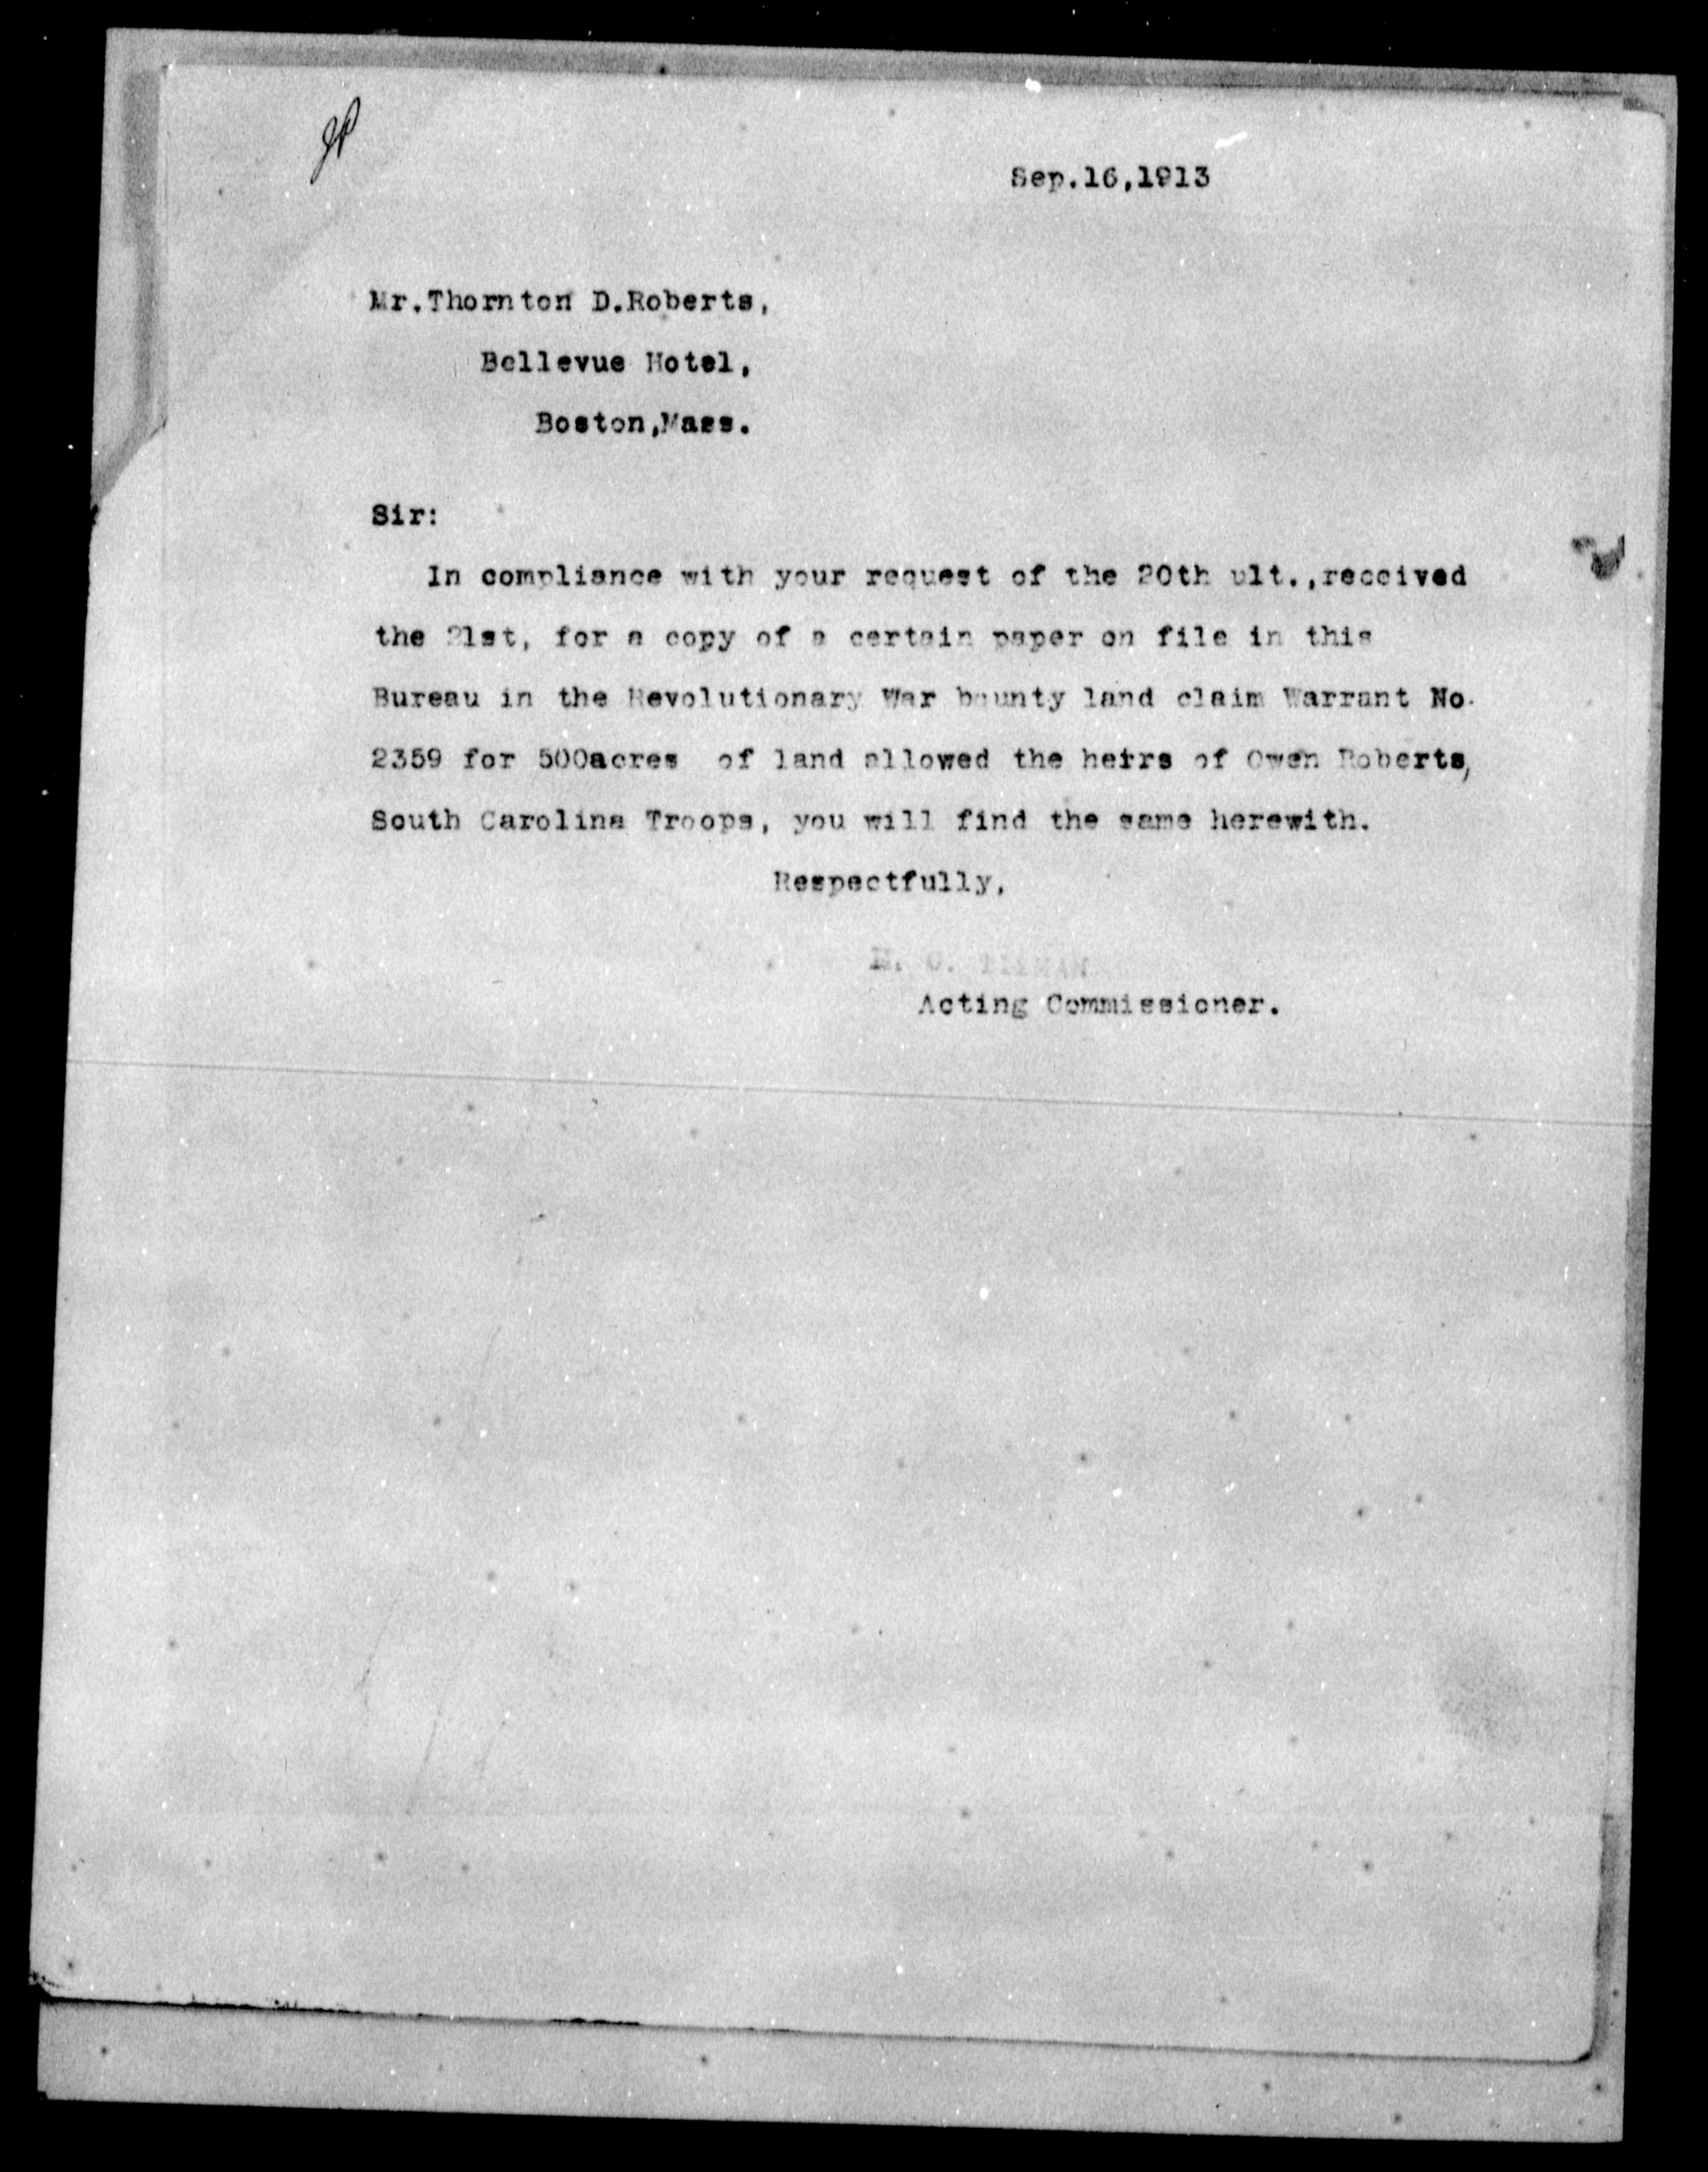Sep. 16, 1913

Mr. Thornton D. Roberts,
Bellevue Hotel,
Boston, Mass.

Sir:

In compliance with your request of the 20th ult., received
the 21st, for a copy of a certain paper on file in this
Bureau in the Revolutionary War bounty land claim Warrant No.
2359 for 500 acres of land allowed the heirs of Owen Roberts,
South Carolina Troops, you will find the same herewith.

Respectfully,

[rubber stamp signature] M. C. BEEMAN

Acting Commissioner.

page: 22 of 59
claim: bounty land warrant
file: B.L.Wt. 2359-500, for Owen Roberts, South Carolina